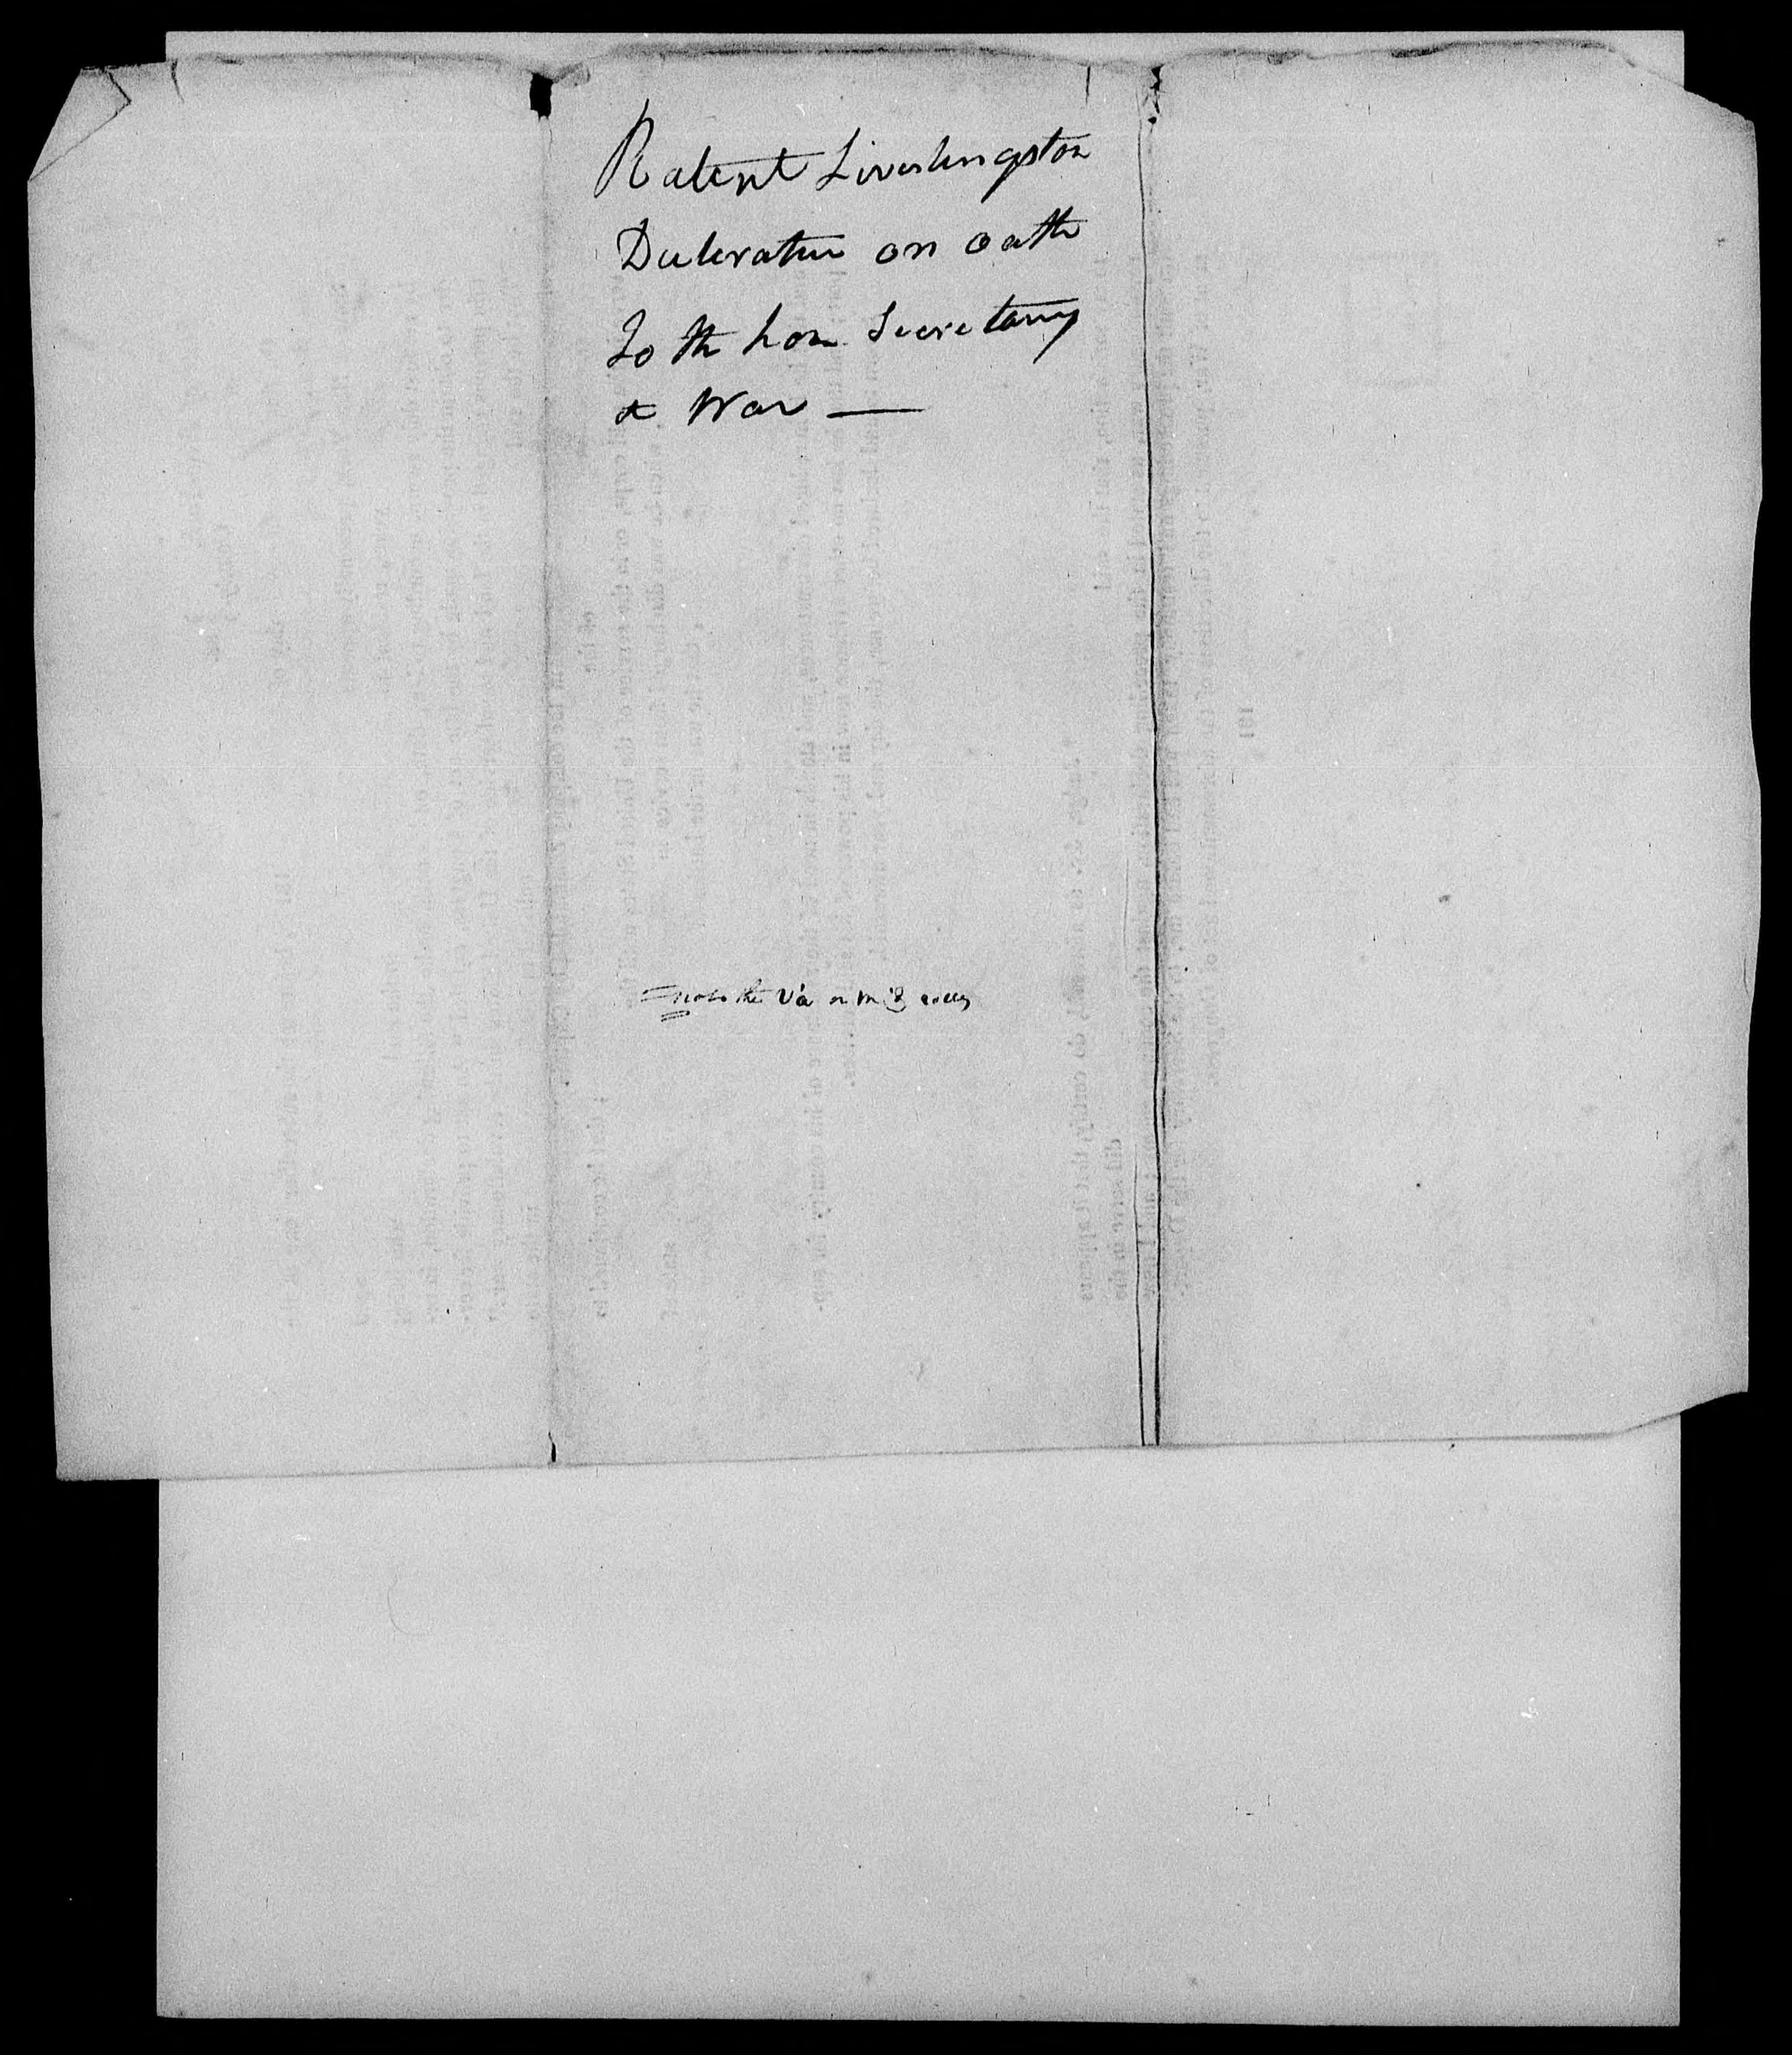Robert Livington
Declaration on oath
to the Hon Secretary of War

note the VA on {illegible]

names: Robert Livestingston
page: 3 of 23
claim: survivor's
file: S 42874, for Robert Livingston, Maryland